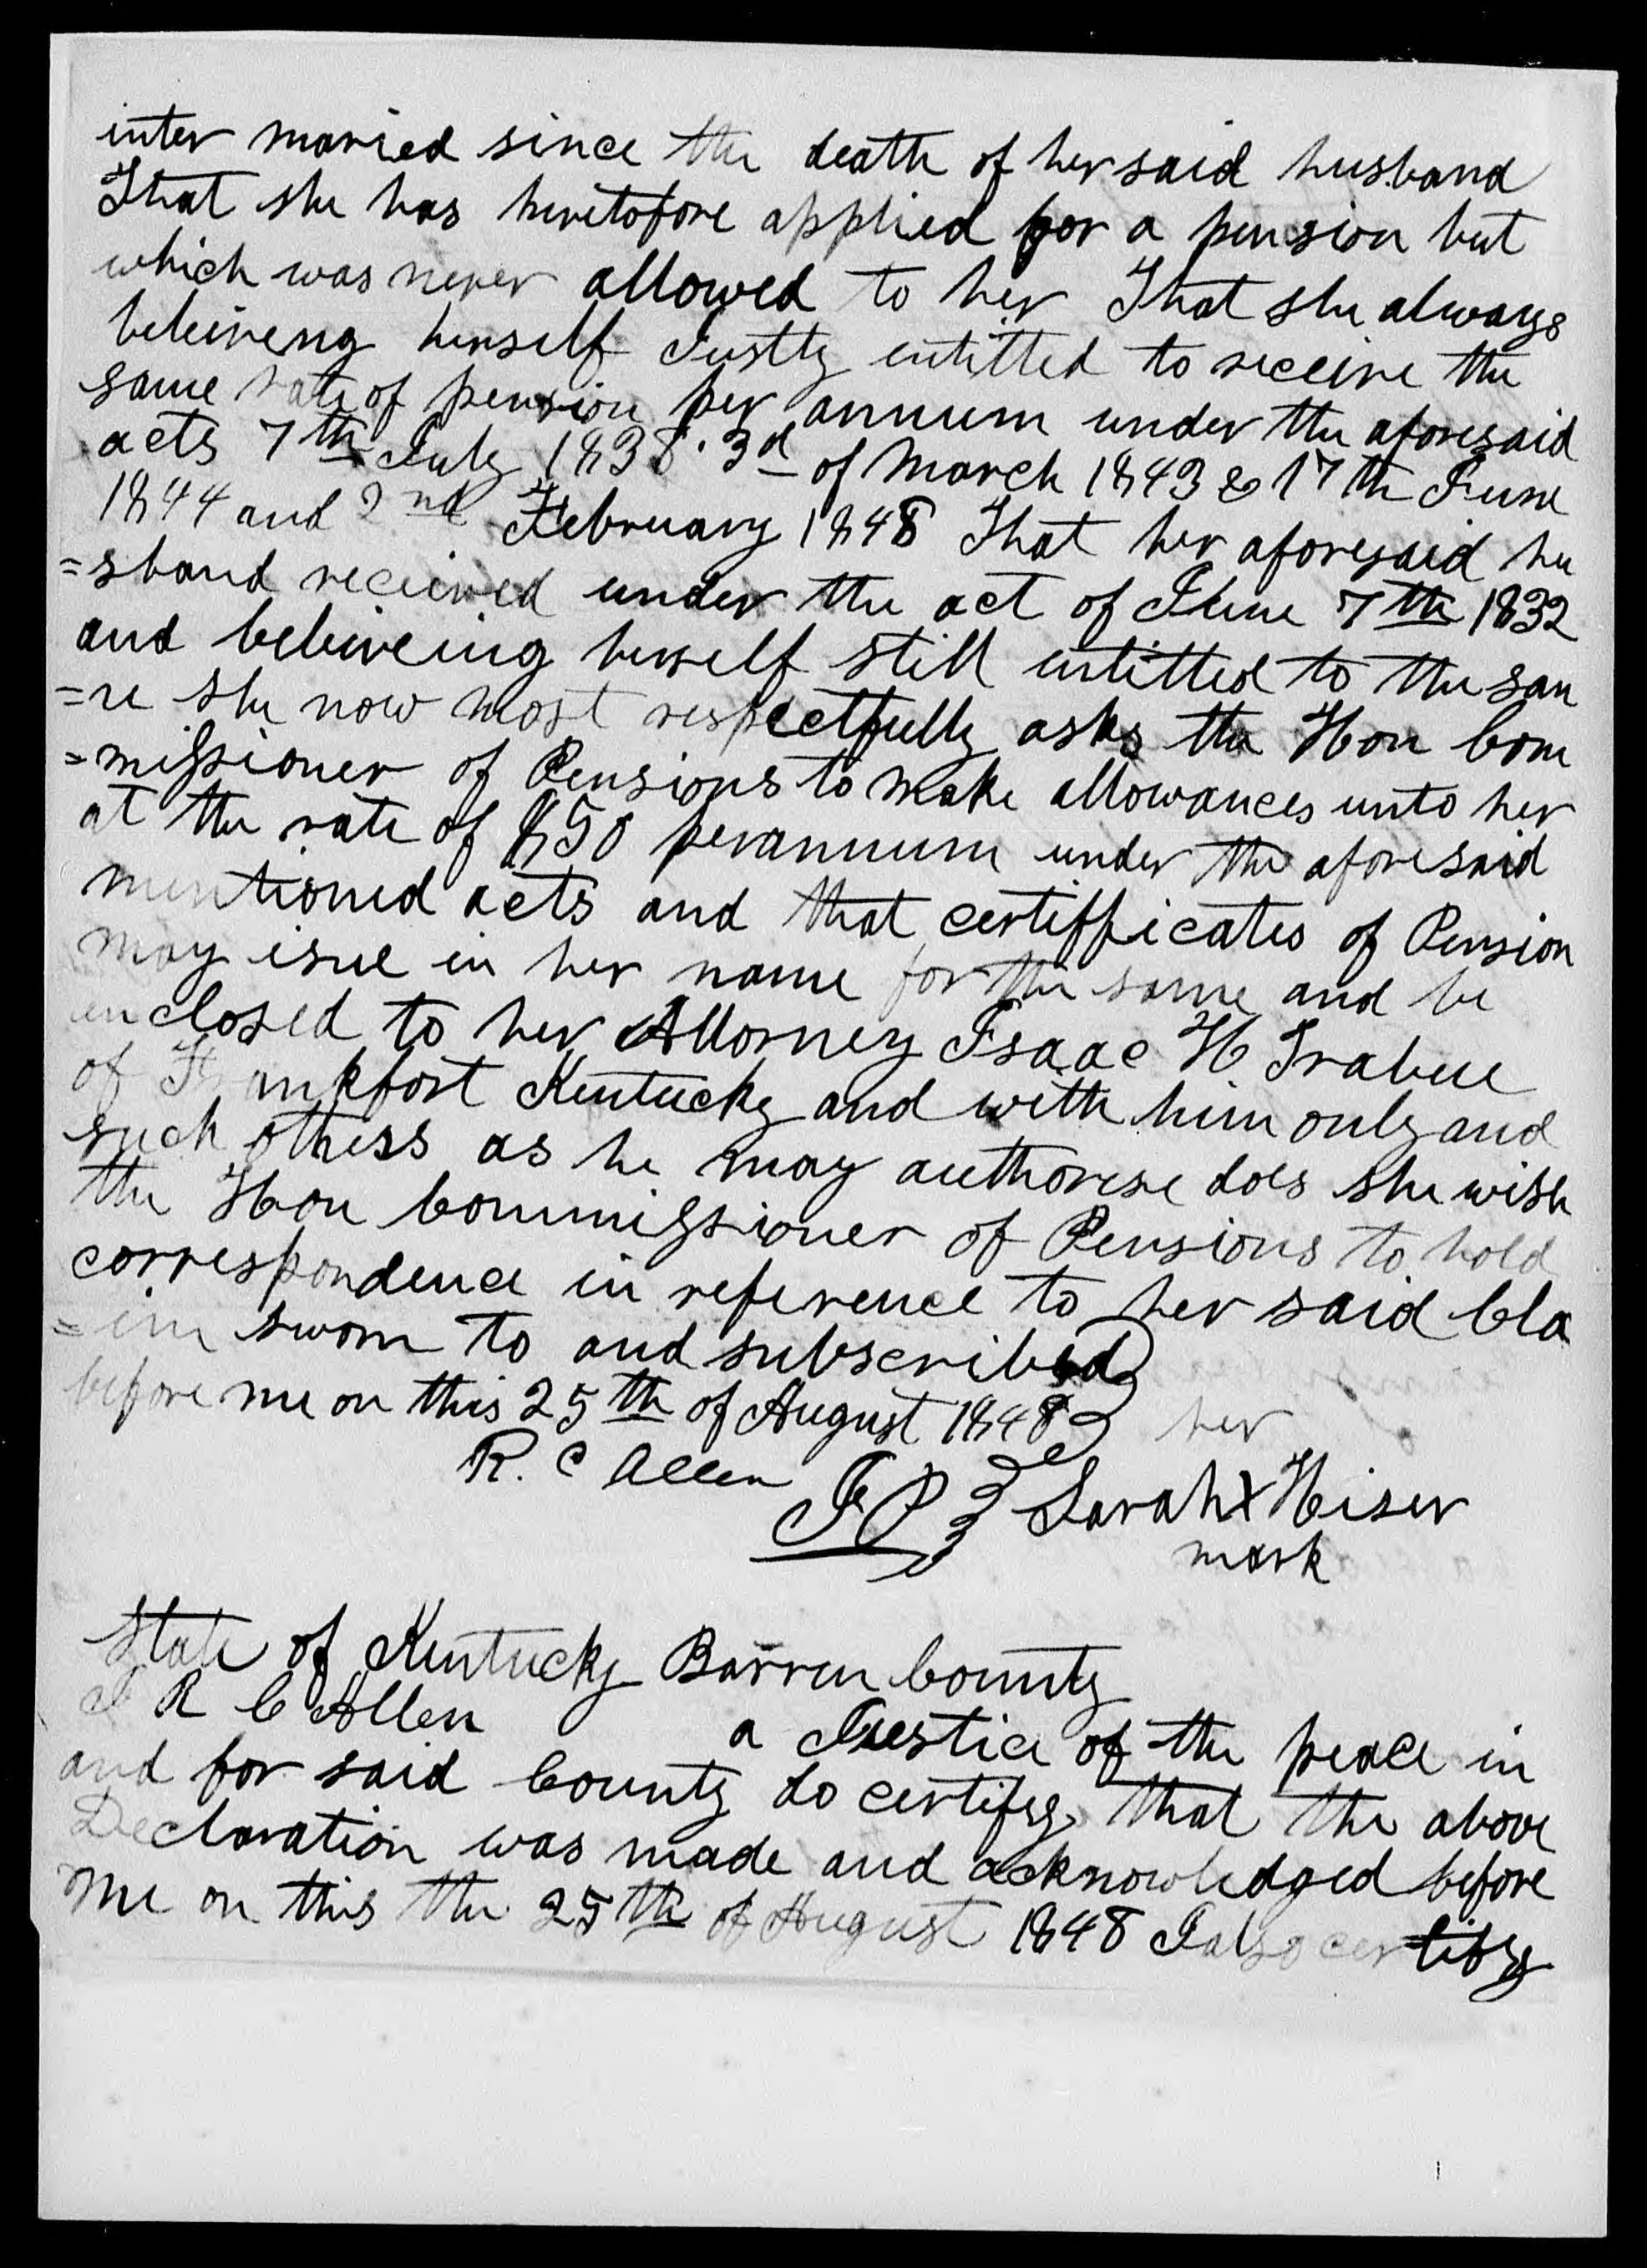inter married since the death of her said husband That she has heretofore applied for a pension but which was never allowed to her That she always believing herself Justly entitled to receive the same rate of pension per annum under the aforesaid acts 7th July 1838 3rd of March 1843 & 17th June 1844 and 2nd February 1848 That her aforesaid husband received under the act of June 7th 1832 and believing herself still entitled to the same she now most respectfully asks the Hon Commissioner of Pensions to make allowances unto her at the rate of $50 per annum under the aforesaid mentioned acts and that certificates of Pension may issue in her name of the same and be enclosed to her Attorney Isaac H. Trabue of Frankfort Kentucky and with him only and such others as he may authorize does she wish the Hon Commissioner of Pensions to hold correspondence in reference to her said claim 
Sarah   her X mark   Hiser
sworn to and subscribed before me this 25th of August 1848
R. C. Allen J P 

State of Kentucky Barren County
I R C Allen a Justice of the Peace in and for said County do certify that the above Declaration was made and acknowledged before me on this the 25th of August 1848 I also certify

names: Sarah Hiser, R C Allen, Isaac H Trabue, R C Allen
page: 38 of 58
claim: widow's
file: W. 8932, John Hiser, Penn.